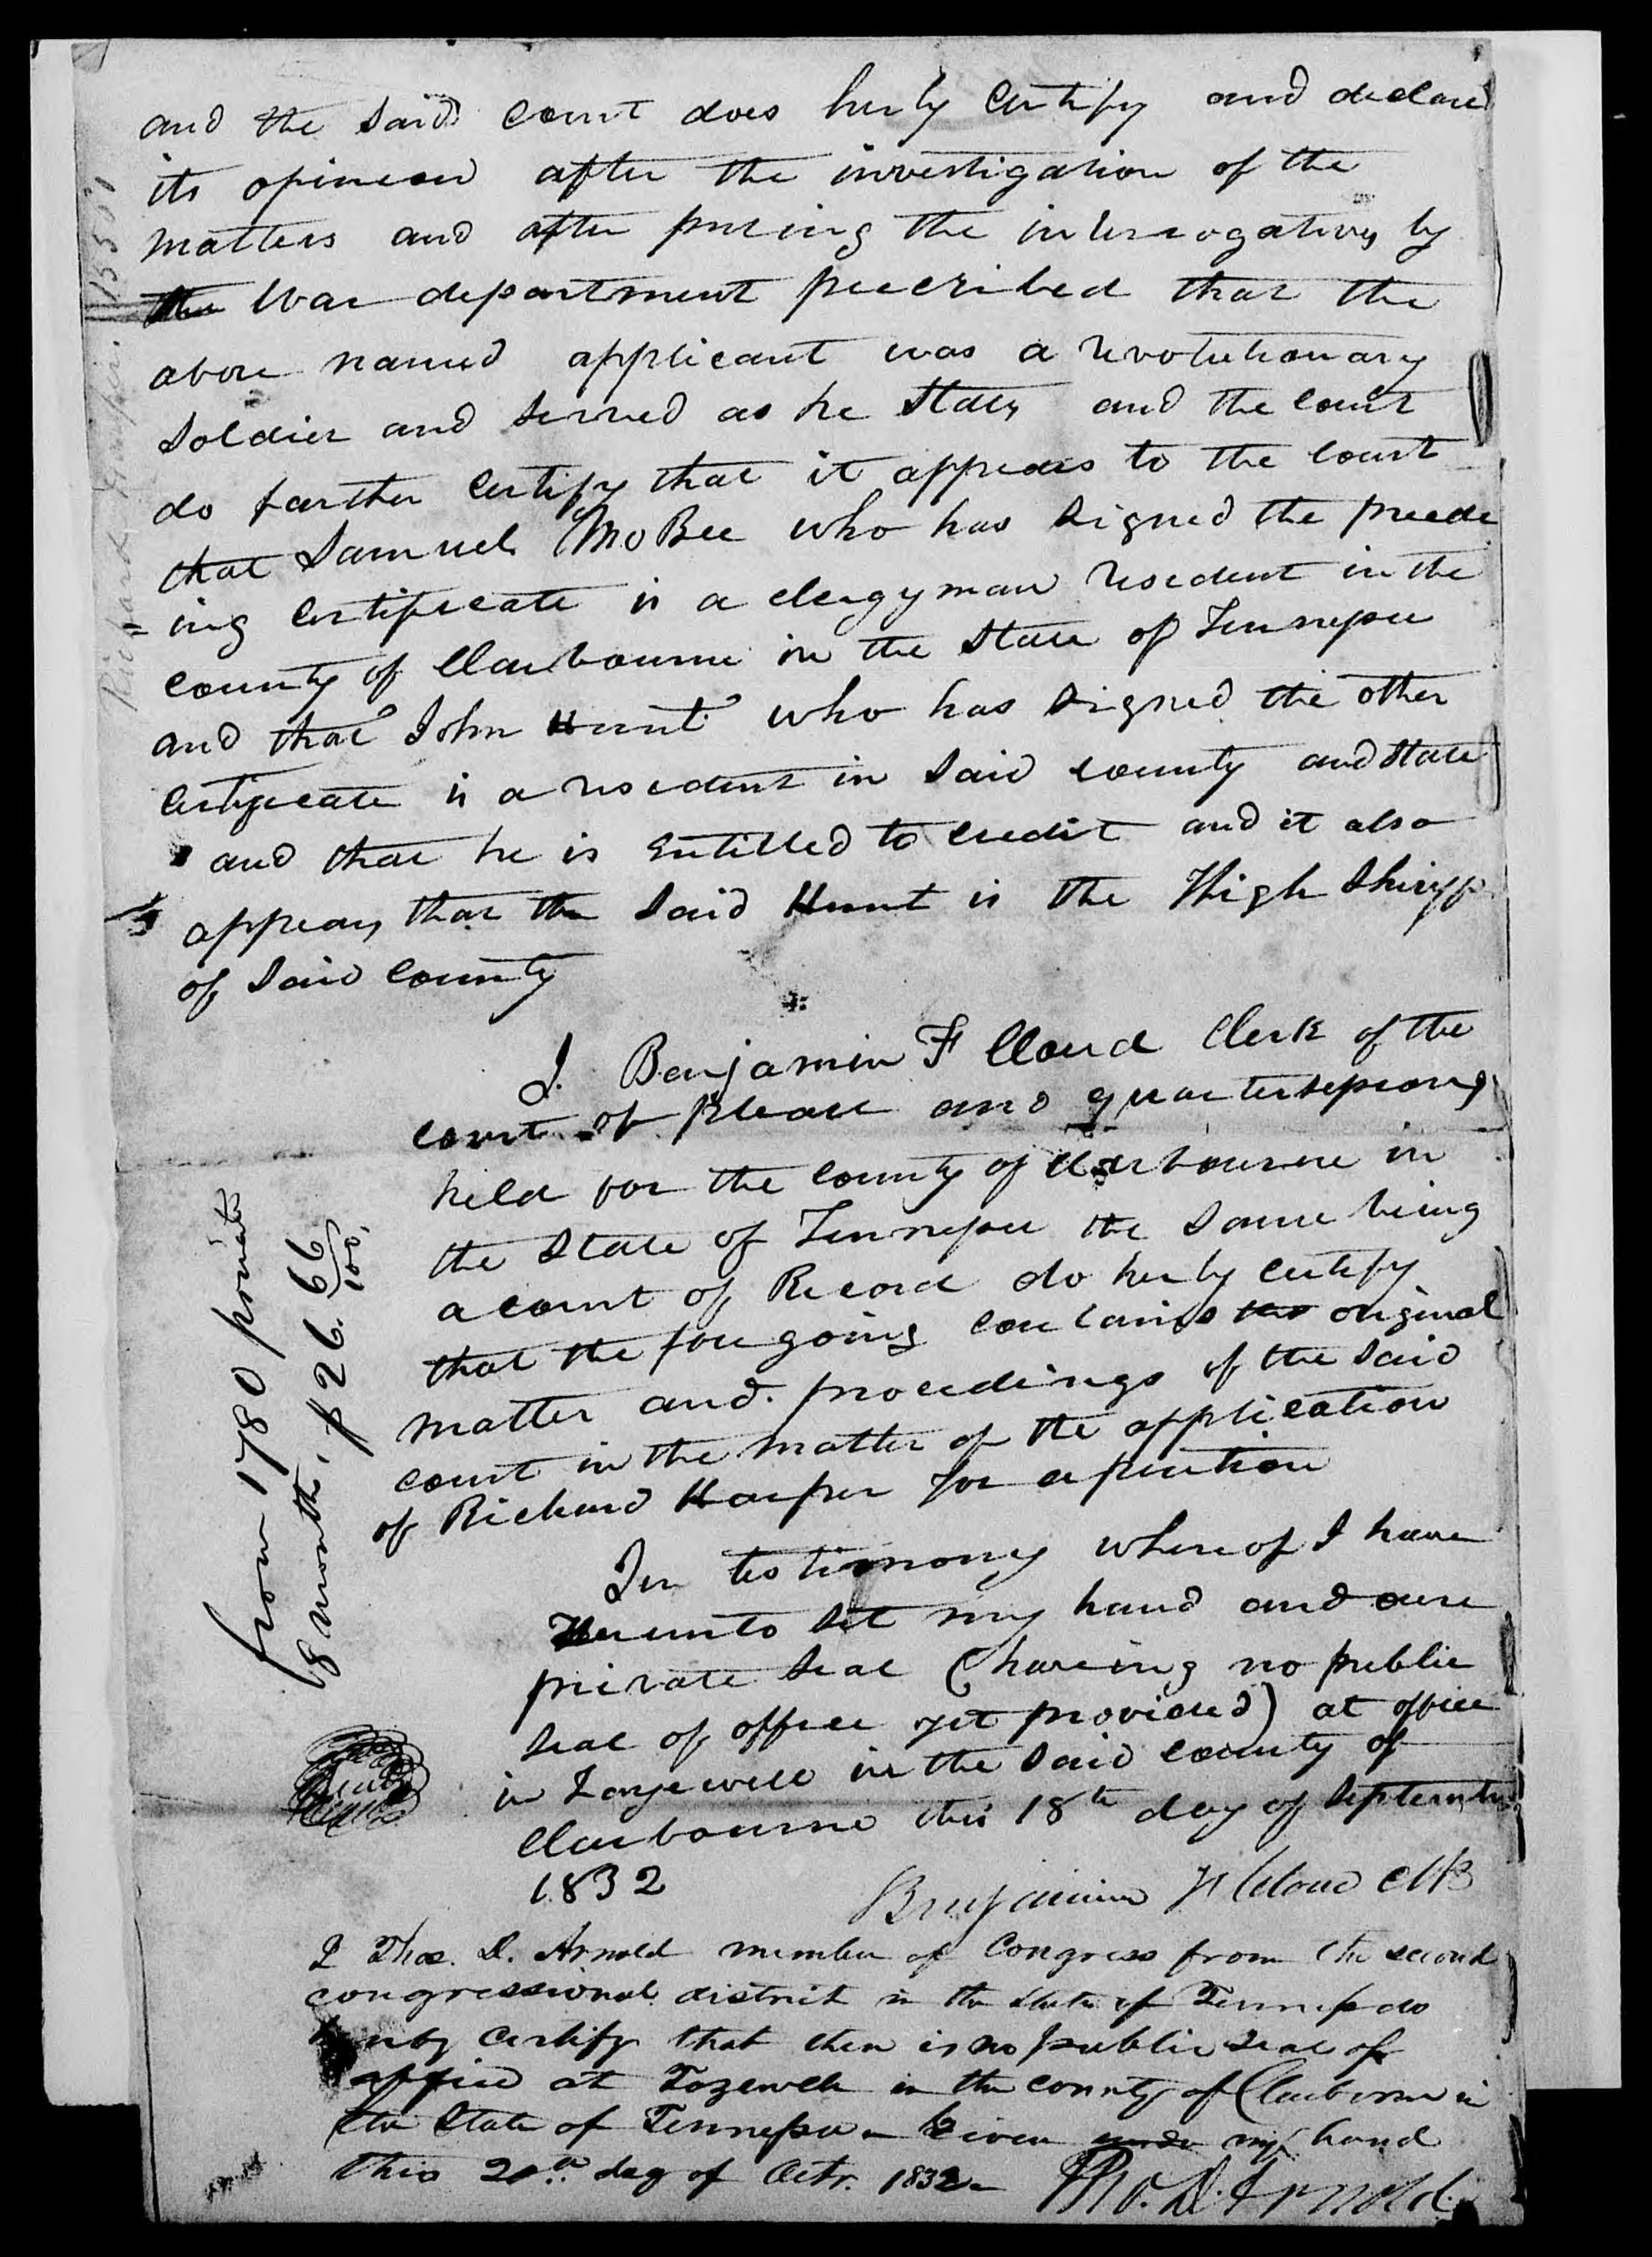and the said court does hereby certify and declare its opinion after the investigation of the matters and after pursuing the interrogation by the war department prescribed that the above named applicant was a revolutionary soldier and served as he states and the court do further certify that it appears to the court that Samuel McBee who has signed the preceding certificate is a resident in said county and state and that he is Entitled to credit and it also appears that the said Hunt is the High Sheriff of said county.
I Benjamin F Cloud of the court of please and quarter respond held for the county of Claiborne in Tennessee the same being account of Record do hereby certify that the foregoing co? [the - CROSSED OUT] original matter and proceedings of the said court in the matter of the application of Richard Harper for a pention.
In testimony where I have thereunto set my hand and our private seal (having no public seal of office yet provided) at office in Tayswell in the said county of Claiborne this 18th day of September 1832.
                     Benjamin F Cloud CLK
I Thos. D. Arnold member of Congress from the second congressional district in the State of Tennessee hereby certify that there is no public Seal of office at Tazewell in the county of Claiborne in the State of Tennessee -- Given made my hand this 20th day of Octr. 1832
Tho. D. Arnold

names: Tho D Arnold, Richard Harper, Benjamin F Cloud, Samuel Mc Bee, Richard Harper, John Hunt, Hunt, Benjamin F Cloud, Thos D Arnold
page: 10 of 81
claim: survivor's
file: S. 1908, Richard Harper, N.C.